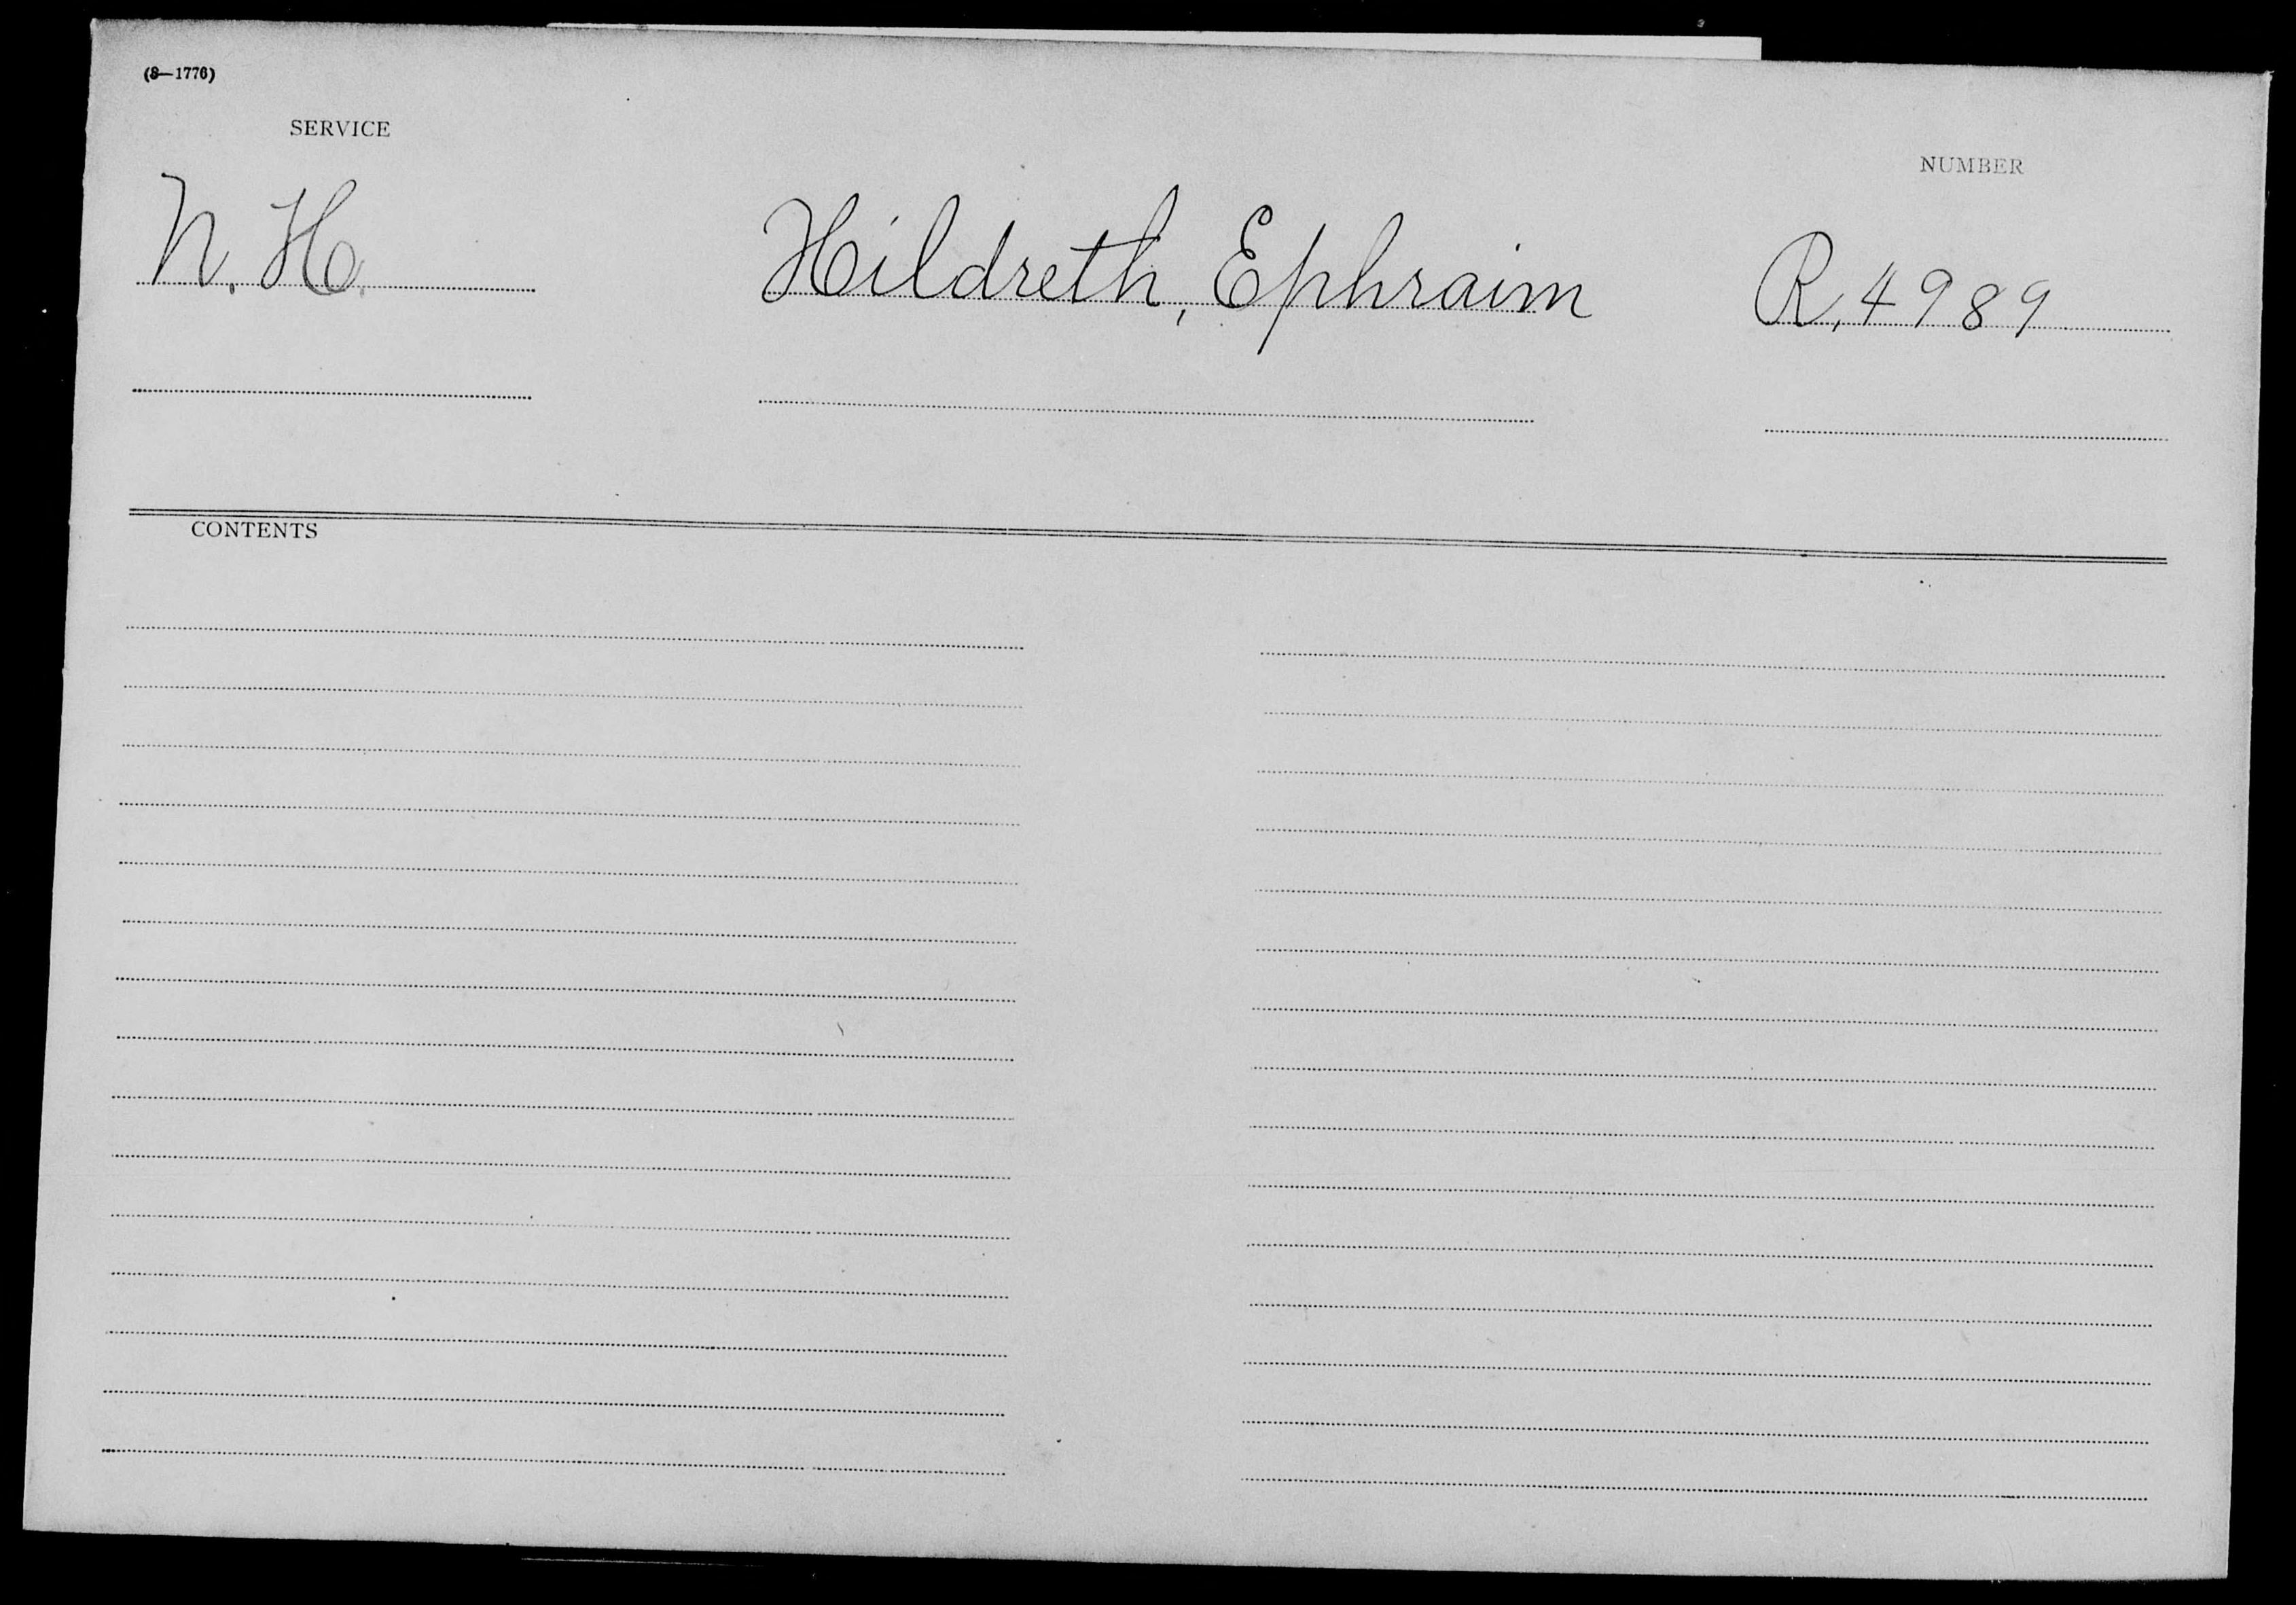(3-1776)

SERVICE
N.H.

Hildreth, Ephraim

NUMBER
R. 4989

CONTENTS
(blank)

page: 1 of 17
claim: rejected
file: R. 4989, Ephraim Hildreth, N.H.